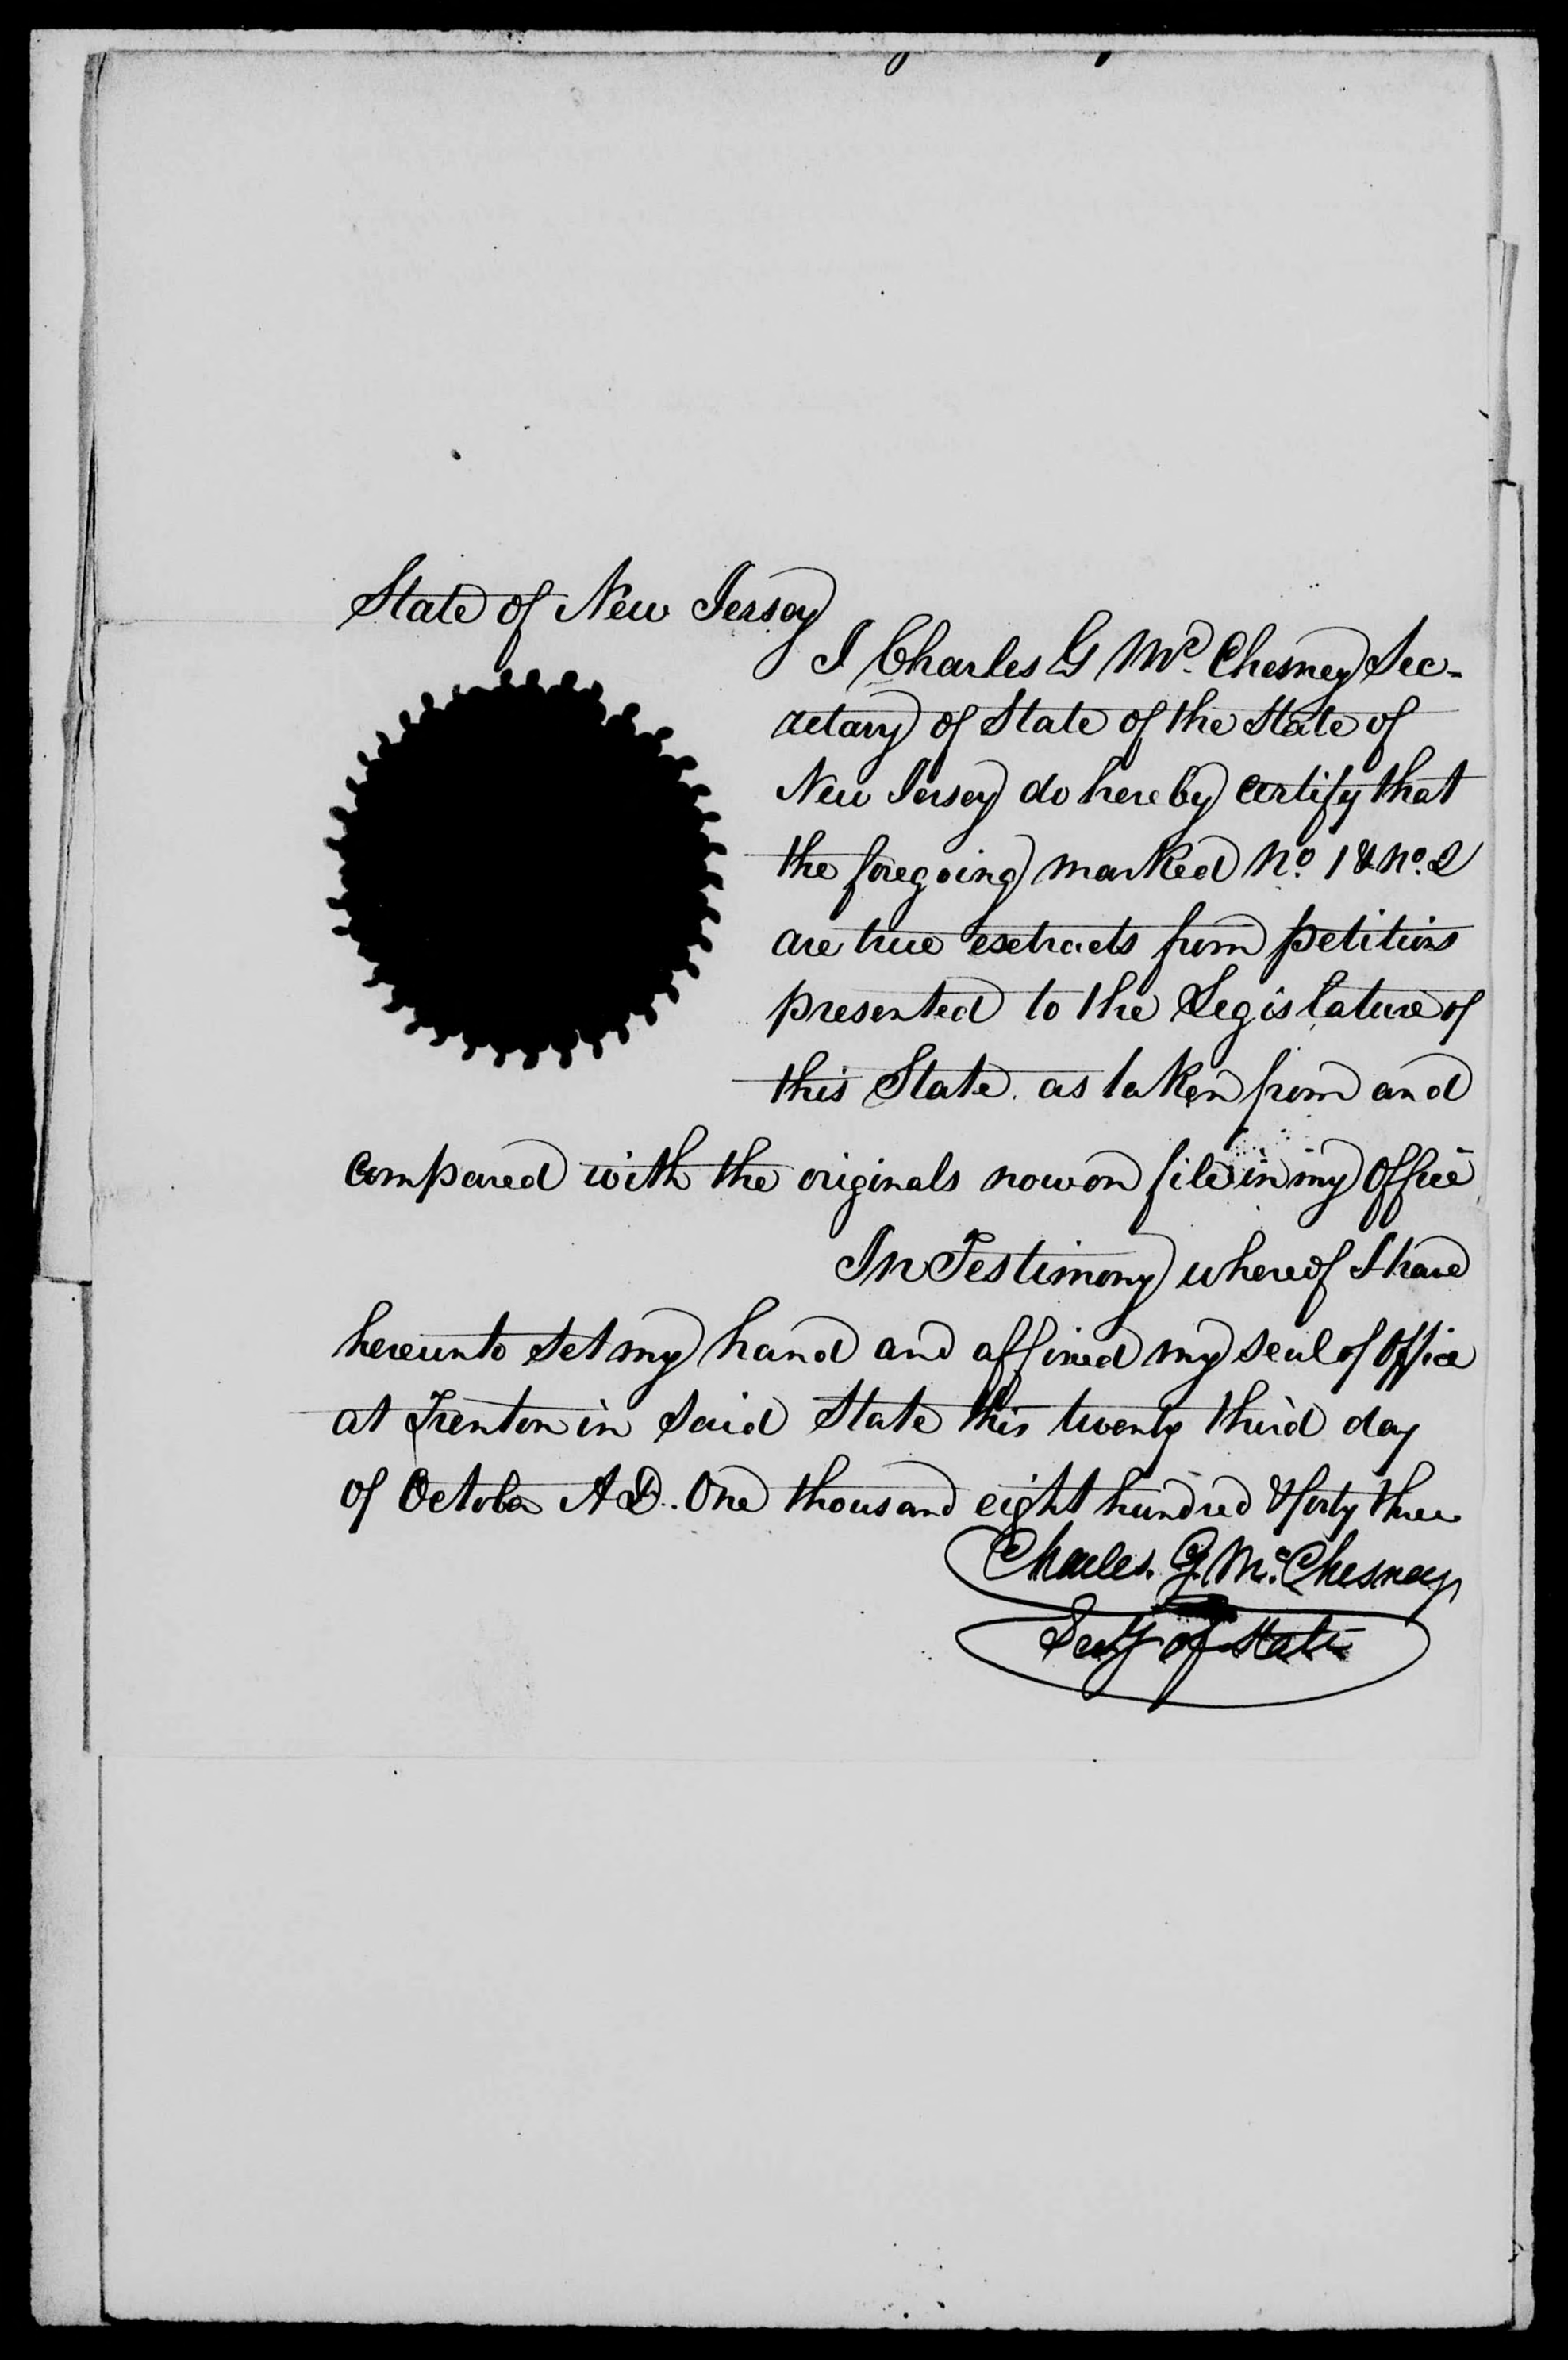State of New Jersey
[seal]
I Charles G McChesney Secretary of State of the State of New Jersey do hereby certify that the foregoing marked No. 1 & No. 2 are true extracts from petitions presented to the Legislature of this State as taken from and compared with the originals now on file in my office
In Testimony whereof I have hereunto set my hand and affixed my seal of office at Trenton in said State this twenty third day of October A D One thousand eight hundred & forty three  [signed] Charles G McChesney Secy of State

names: Charles G Mc Chesney, Charles G Mc Chesney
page: 45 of 77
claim: widow's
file: W. 417, William De Groot, New Jersey